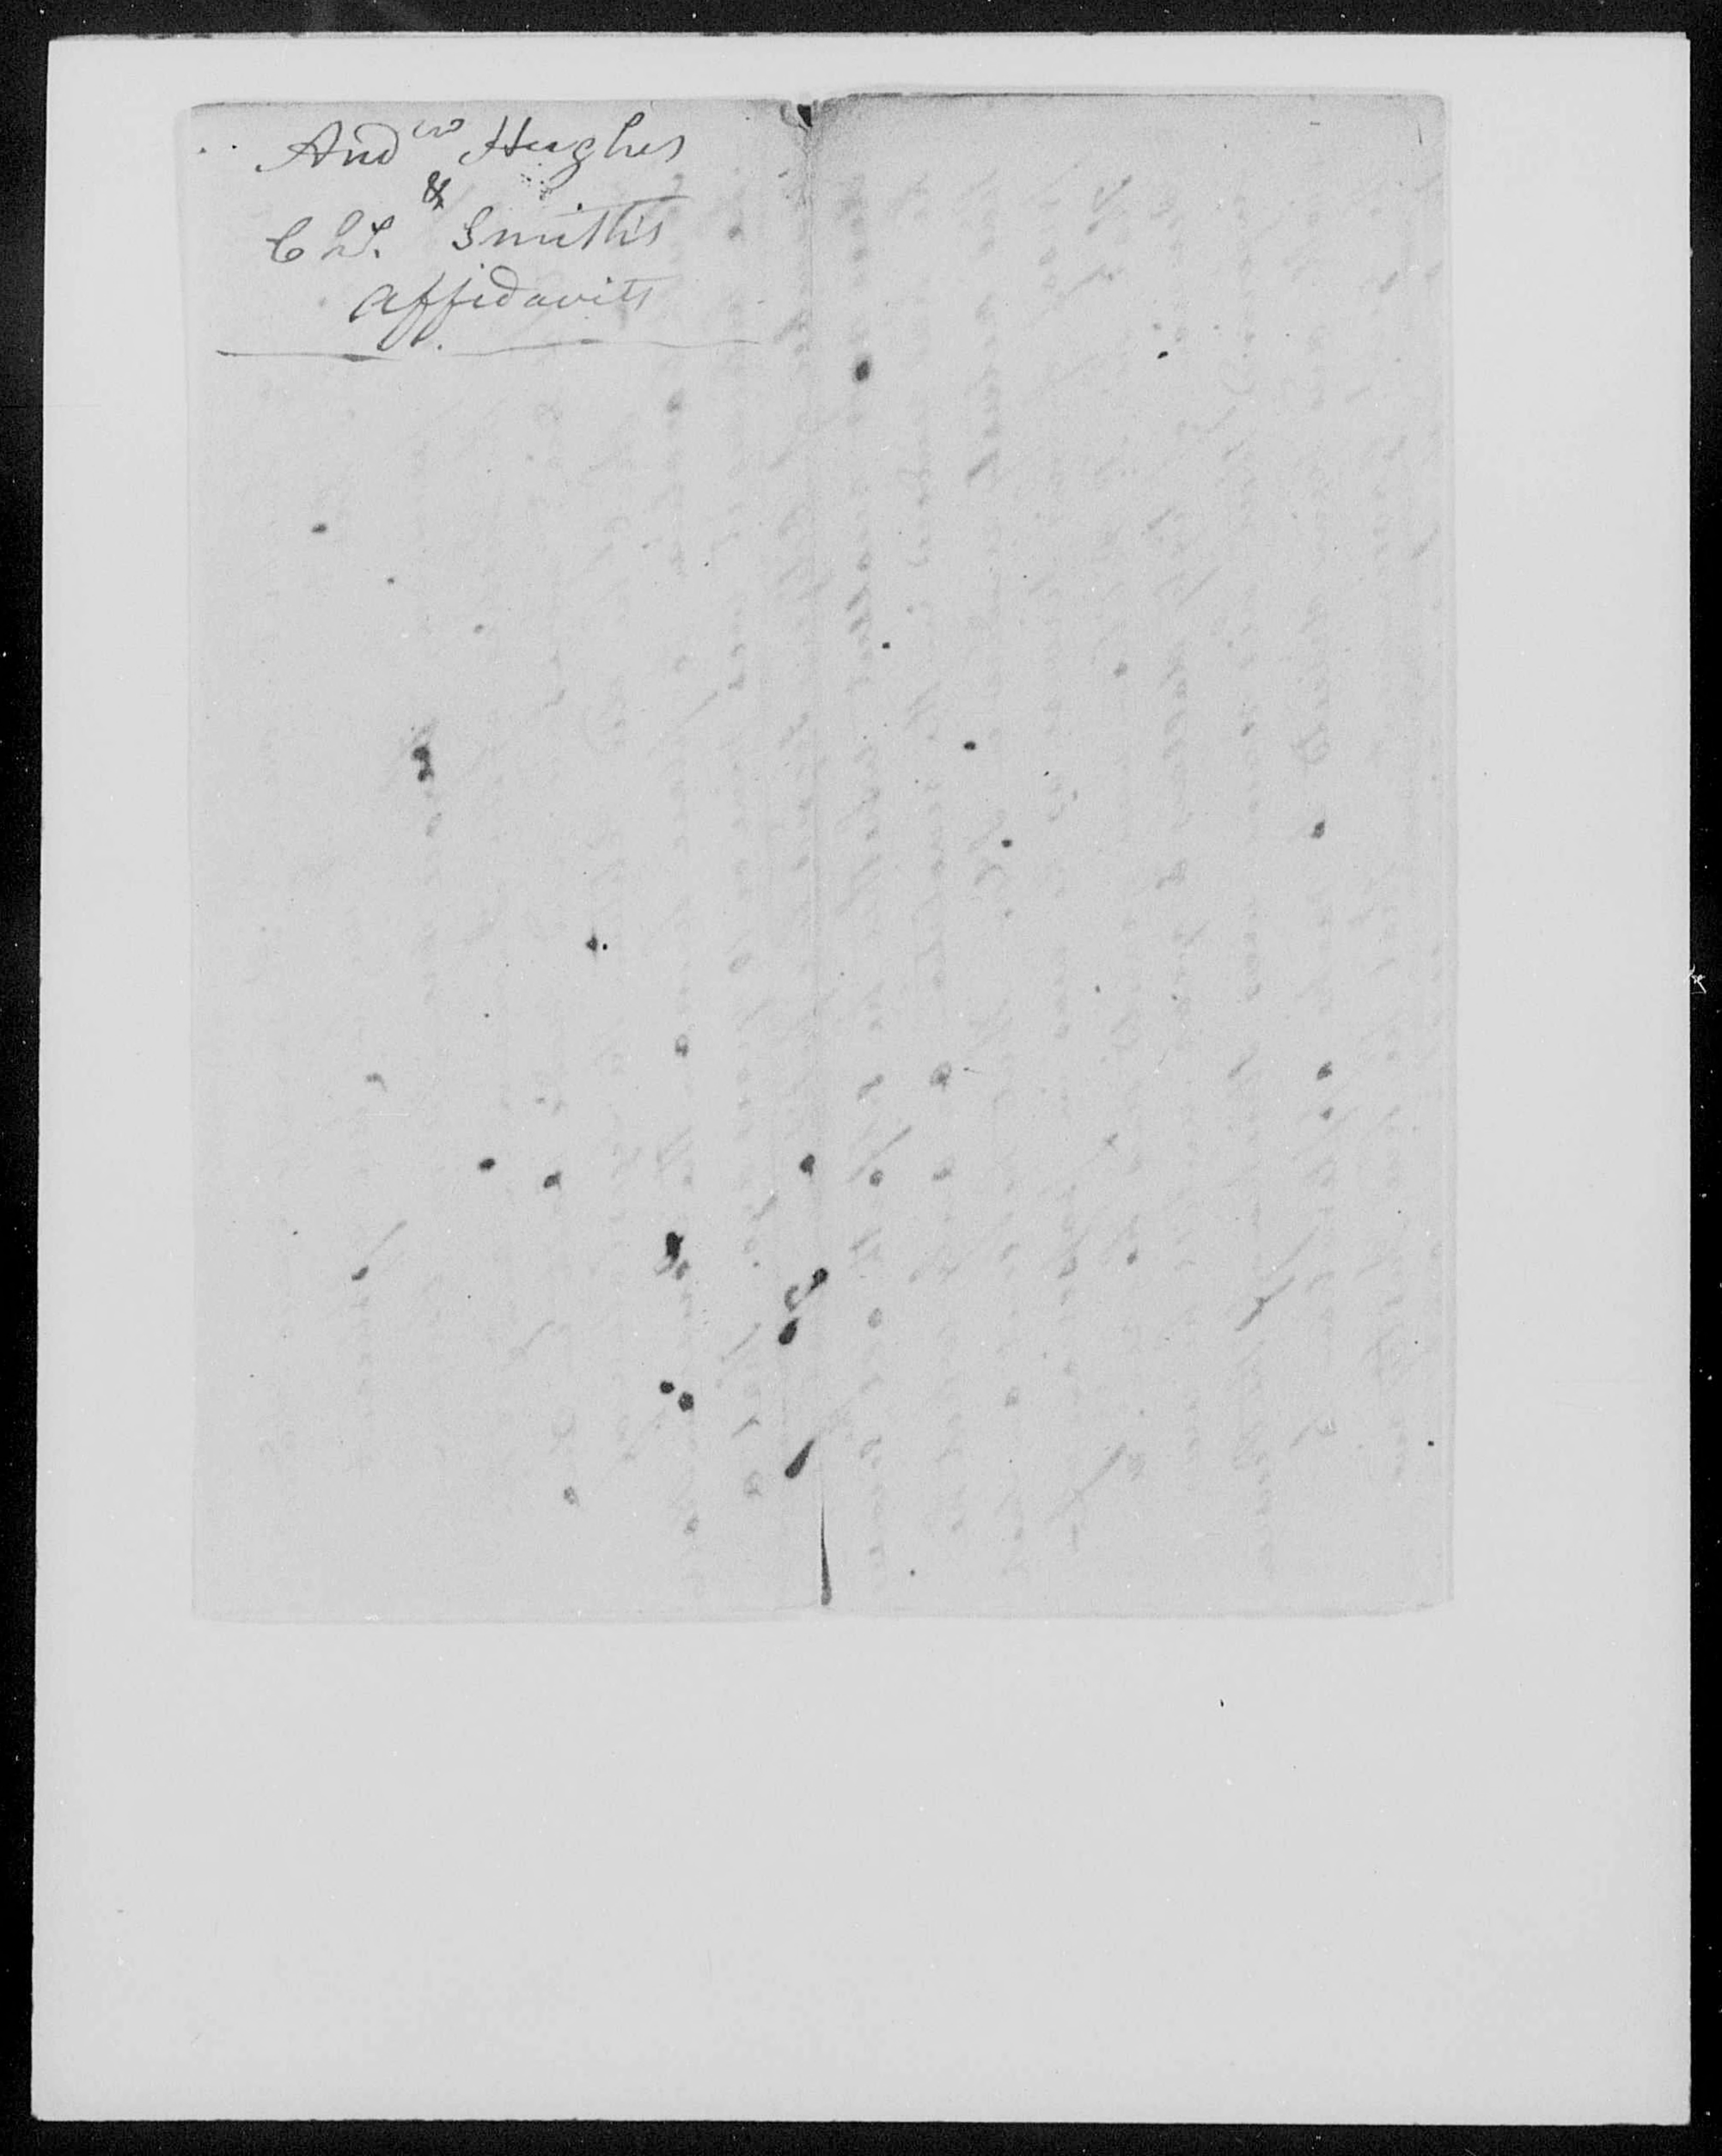Andw. Hughes
&
C. W. Smith's
affidavits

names: Andw Hughes, Chs Smith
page: 70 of 75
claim: widow's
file: W. 25805, Andrew Hughes, N.C.